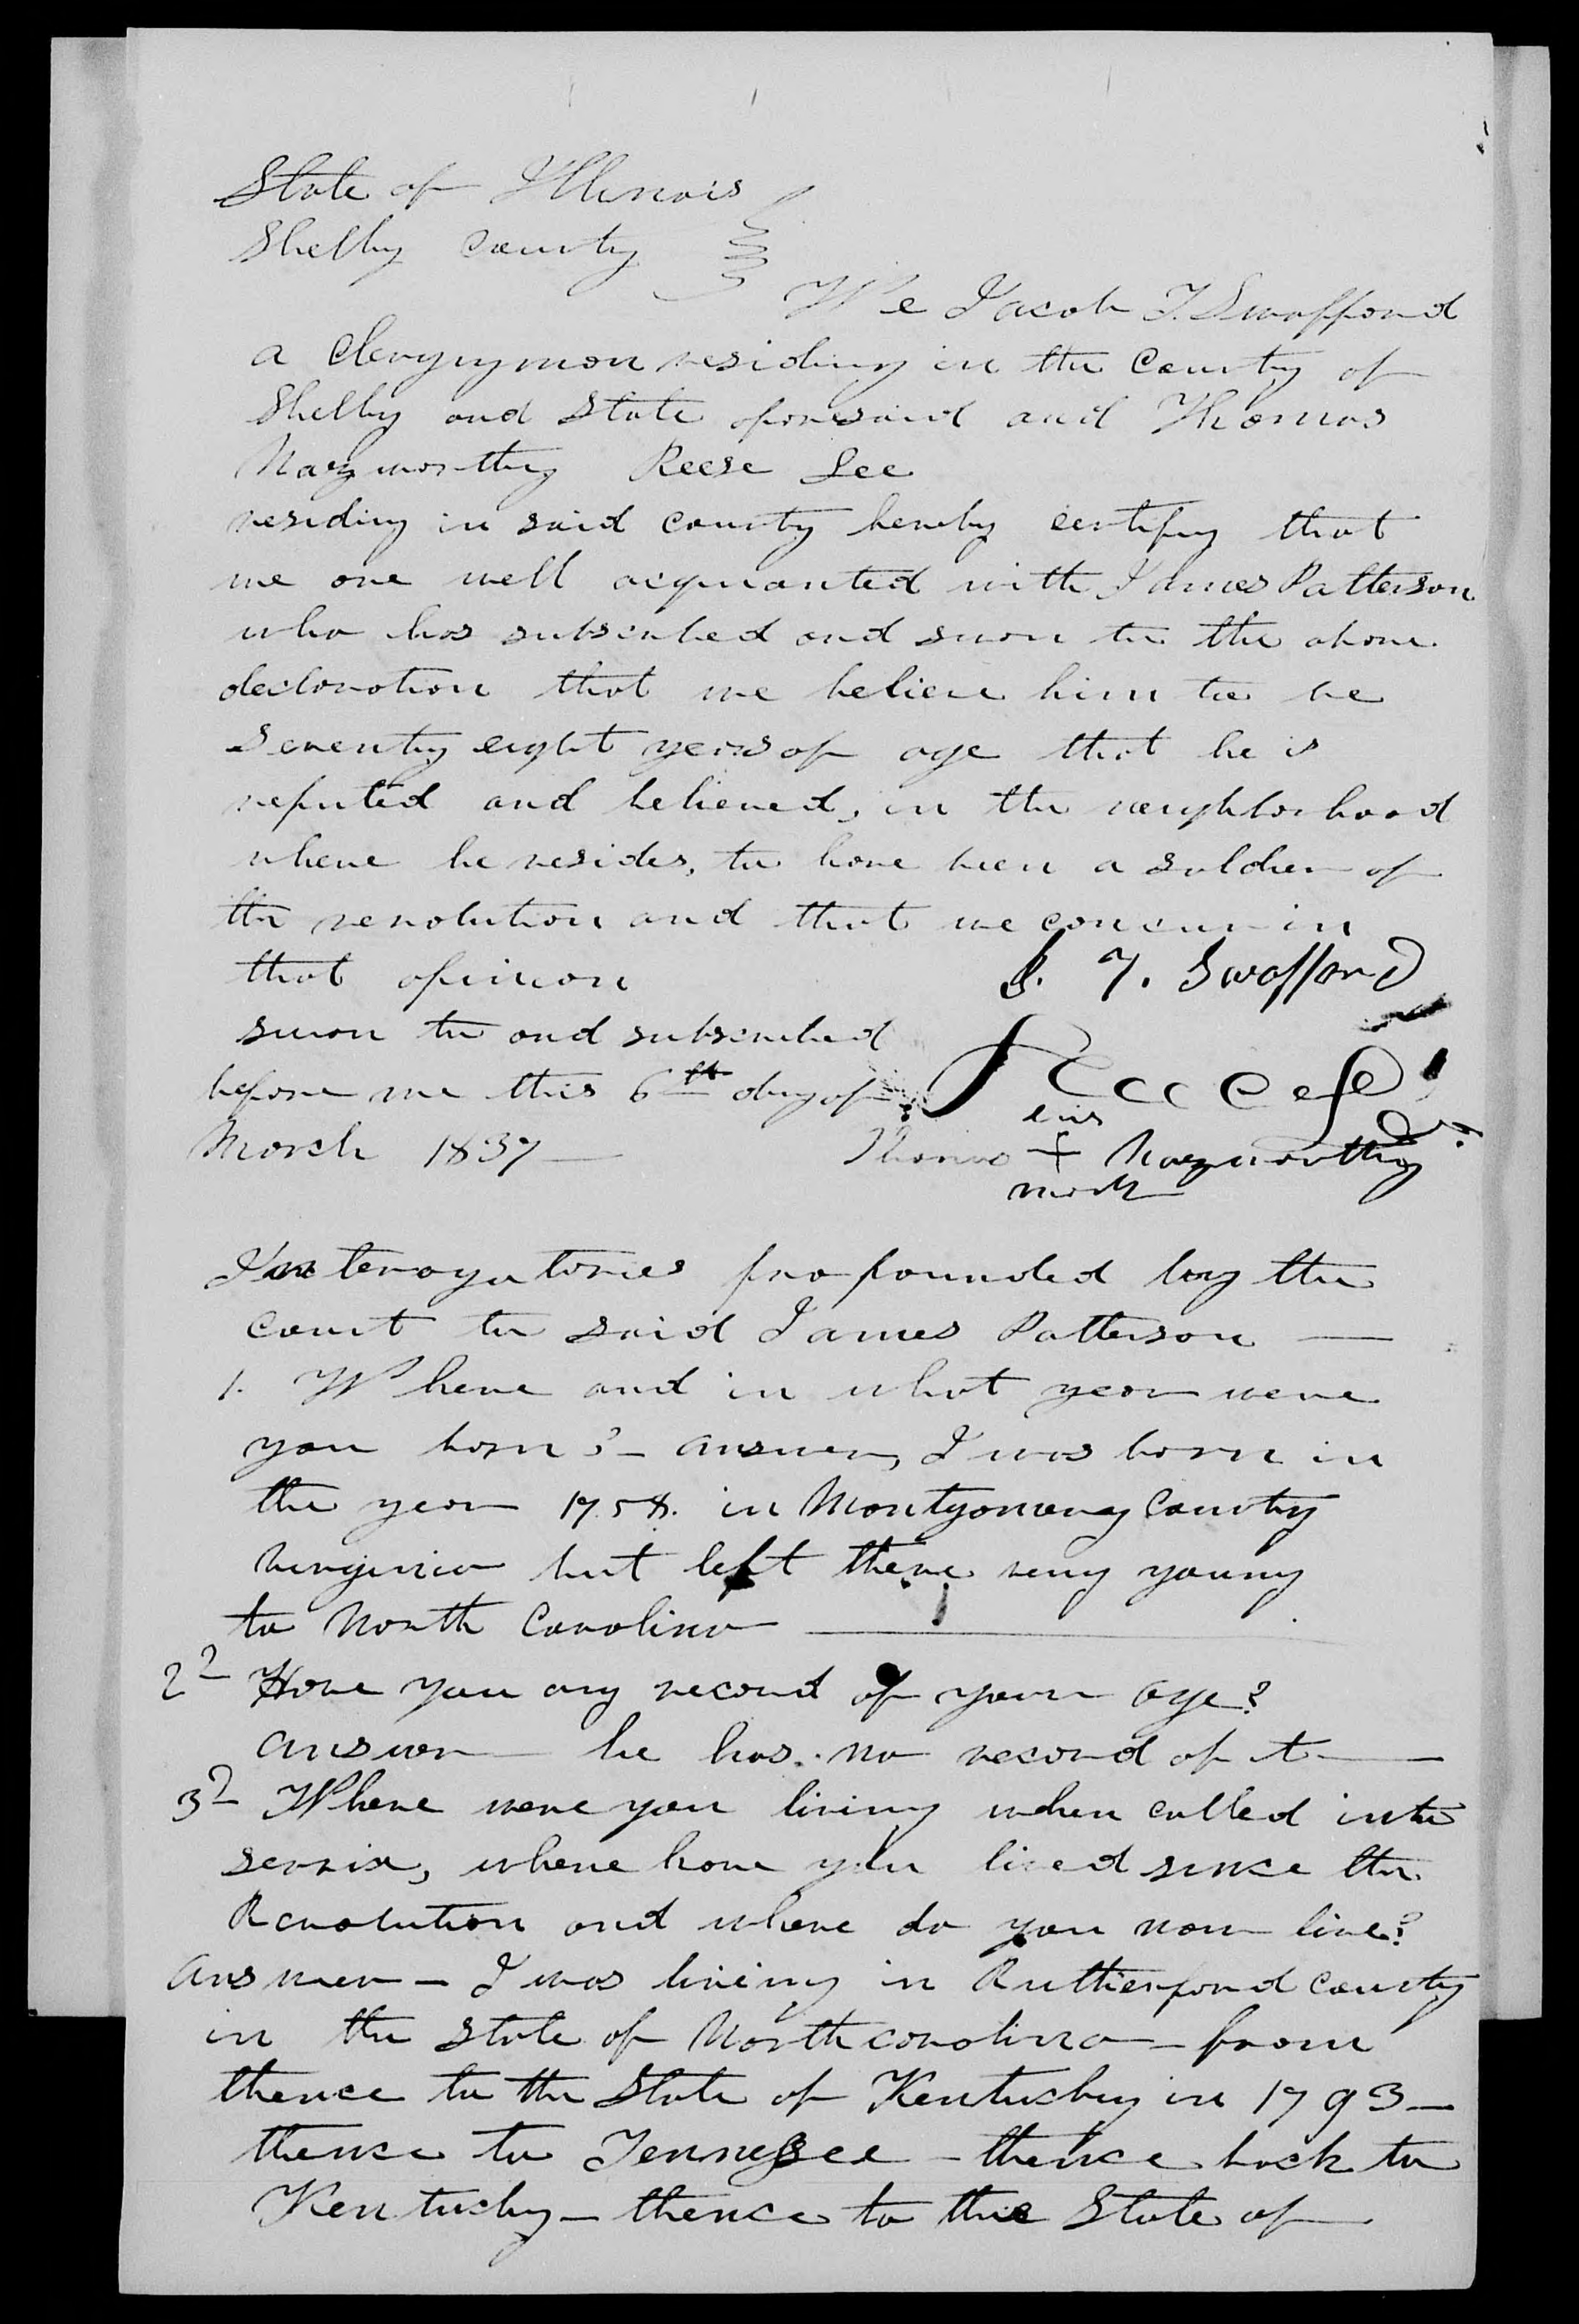State of Illinois  }
Shelby County    }
We Jacob T. Swafford a Clergyman residing in the County of Shelby and State aforesaid and Thomas Nazworthy Reese Lee residing in said County hereby certify that we one well acquainted with James Patterson who has subscribed and sworn to the above declaration that we believe him to be Seventy eight years of age that he is reputed and believed, in the neighborhood where he resides, to have been a soldier of the revolution and that we concur in that opinion.
J.T. Swafford
sworn to and subscribed before me this 6th day of - March 1837-
[illegible Recceefe Lee]
Thomas [+ Mark] Nazworthy 
Interogatories propounded by the Court to said James Patterson 1. Where and in what year were you born? Answer, I was born in the year 1758 in Montgomery County Virginia but left there very young to North Carolina - 22 Have you any record of your age? Answer – he has no record of it- --- 32 Where were you living when called into service - where have you lived since the Revolution and where do you now live? answern - I was living in Rutherford County in the State of North Carolina - from thence to the State of Kentucky in 1793 - thence to Tennessee - thence back to Kentucky - thence to this State of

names: Thomas Nazworthy; James Patterson; Reese Lee; Jacob T Swafford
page: 13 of 69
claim: widow's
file: W. 10861, for James Patterson, North Carolina